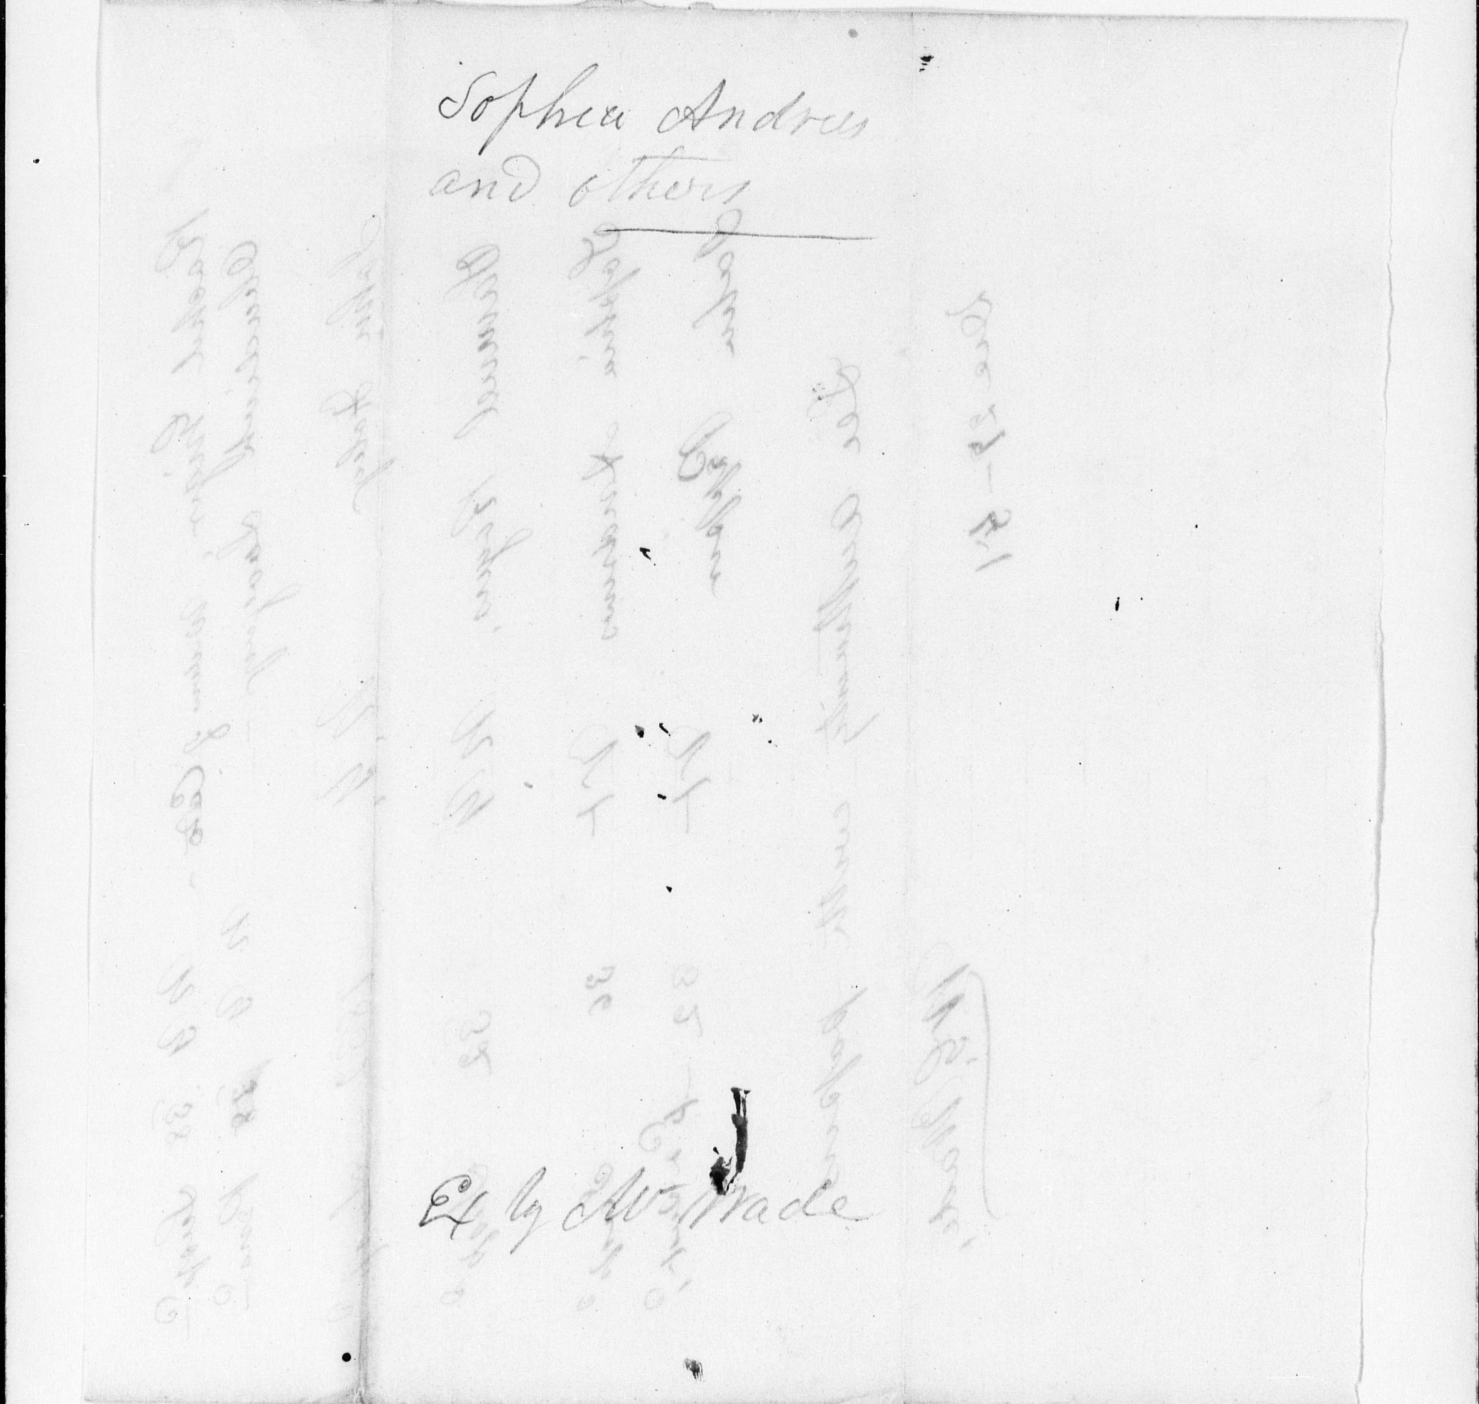Sophia Andrews and others
{Suspd see letter to Hon 1886]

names: Sophia Andrus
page: 13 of 27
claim: rejected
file: R. 223, Eldad Andrus, Vt.